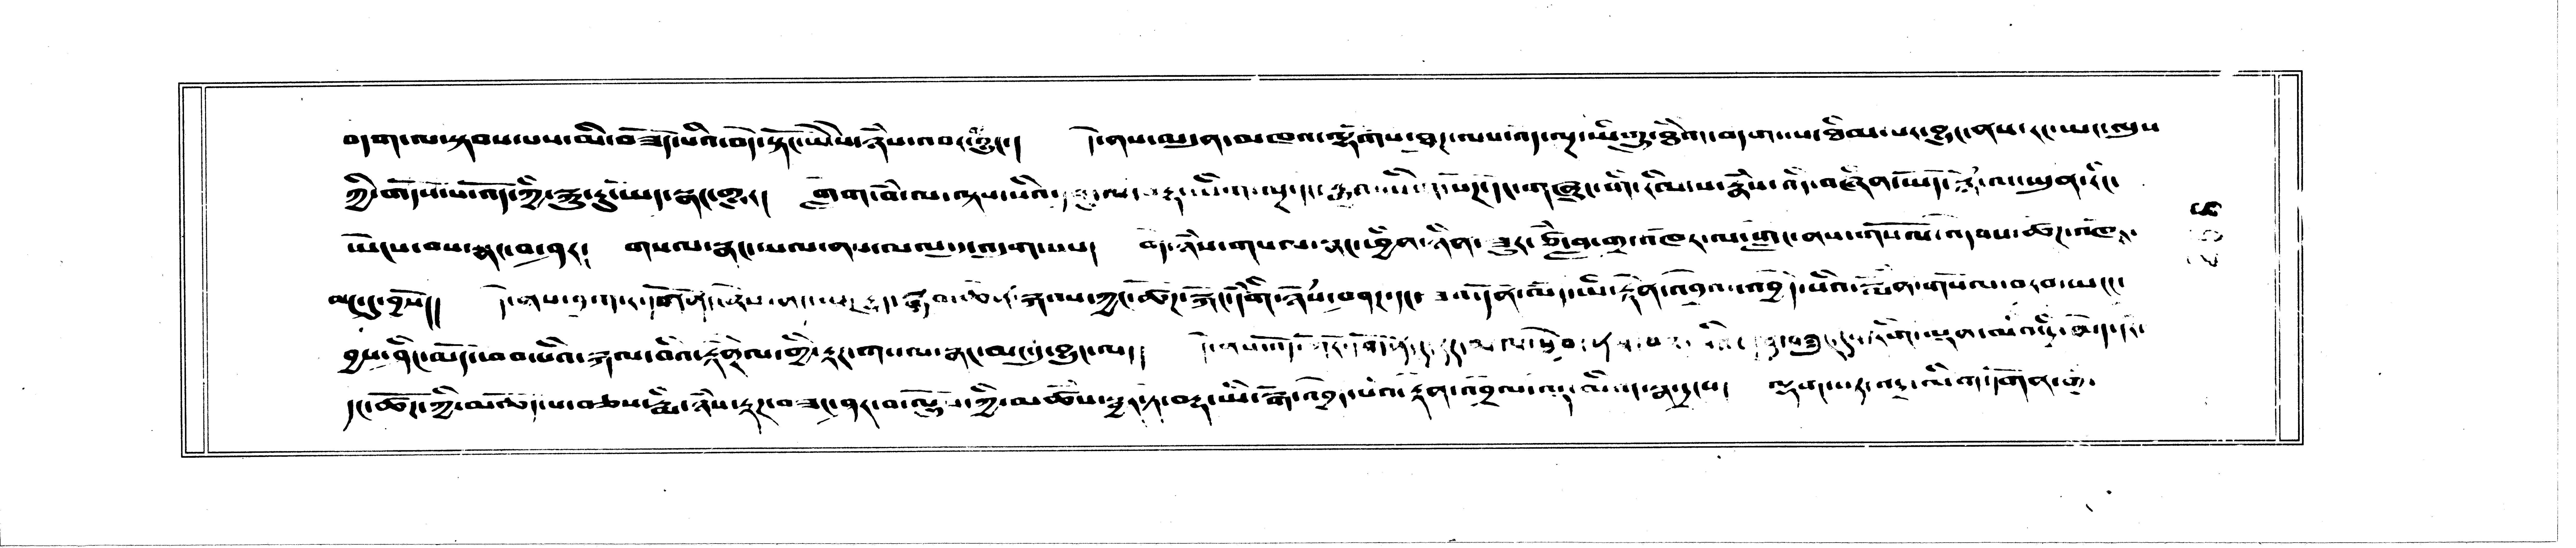བདག་ལ་བསྟབས་པས་མི་བཟོད་པའི་བདེ་སྟོང་ཡེ་ཤེས་ཉམས་འབར་བ་བྱུངཿ དེ་ནས་མདུན་མཁའ་ལྷ་ཚོགས་ཐུགས་ལས་འོད་ལྔ་ཡིག་འབྲུ་ཐིག་ལེ་བདག་ལ་ཐིམ་པ་བྱུང་ནས་རང་ཡང་ལུས་
ཀྱི་གདོས་པ་འོད་ཀྱི་སྐུ་རུ་ཡོད་སྣང་གྱུརཿ གླེགས་བམ་ལ་བལྟས་པའི་དབུ་ལ་བརྡ་ཡིག་ལྔ་དངཿ རྒྱབ་ཡིག་སོགས་དང་གཞུང་གི་རིམ་པ་རྣམས་འདི་བཞིན་ཡོད་སྙམ་ལ་ཡུན་རིང་
ཡེངས་པའི་སྣང་བ་ཤརཿ གསལ་སྣང་ཡལ་ནས་ལམ་དུ་འདུག་པསཿ བདེ་ཉམས་གསལ་སྣང་ཕྱིན་ཉིན་ཟུར་ཙམ་བླ་གྲྭ་འཁོར་ལ་གླེང་ནས་གསོལ་འདེབས་ཚོགས་འཁོར་
མང་དུ་བྱས་སོཿ དེ་ནས་བྲག་ར་དགོན་ཞེས་གསང་སྔགས་མ་རྒྱུད་སྒྲུབ་ཆེན་སྐབས་ཀྱང་ཚོགས་བསྐང་དམ་ཚིག་ཉམས་བཤགས་དངཿ ཟབ་དོན་མདོ་ཡི་རྟེན་འབྲེལ་འབྱེད་པའི་སྨོན་ལམ་གསོལ་བཏབ་ཡང་
བྱས་ཤིངཿ མདོ་ཕབ་པའི་སྐལ་པའི་རྟེན་འབྲེལ་གྱི་རྟགས་གསལ་སྣང་མང་དུ་བྱུང་ལཿ དེ་ནས་འོད་ཀོར་དགོན་དང་རང་མལ་དུ་སླེབས་ནས་རང་གི་༼༽རིག་ལྡན་མས་དྲི་མེད་དར་
དང་ཚོགས་ཀྱི་མཆོད་པ་བཅས་རྨི་ཉམས་རྟགས་བཟང་ཤར་བ་ལྷོ་ནུབ་ཀྱི་མཚམས་སྦྱར་བ་བརྡ་ཡི་སྒོ་འབྱེད་པའི་རྟེན་འབྲེལ་ལྡེ་མིག་སྣ་དྲངསཿ ལྷག་པར་འདྲ་མིག་དགོན་གྱི་